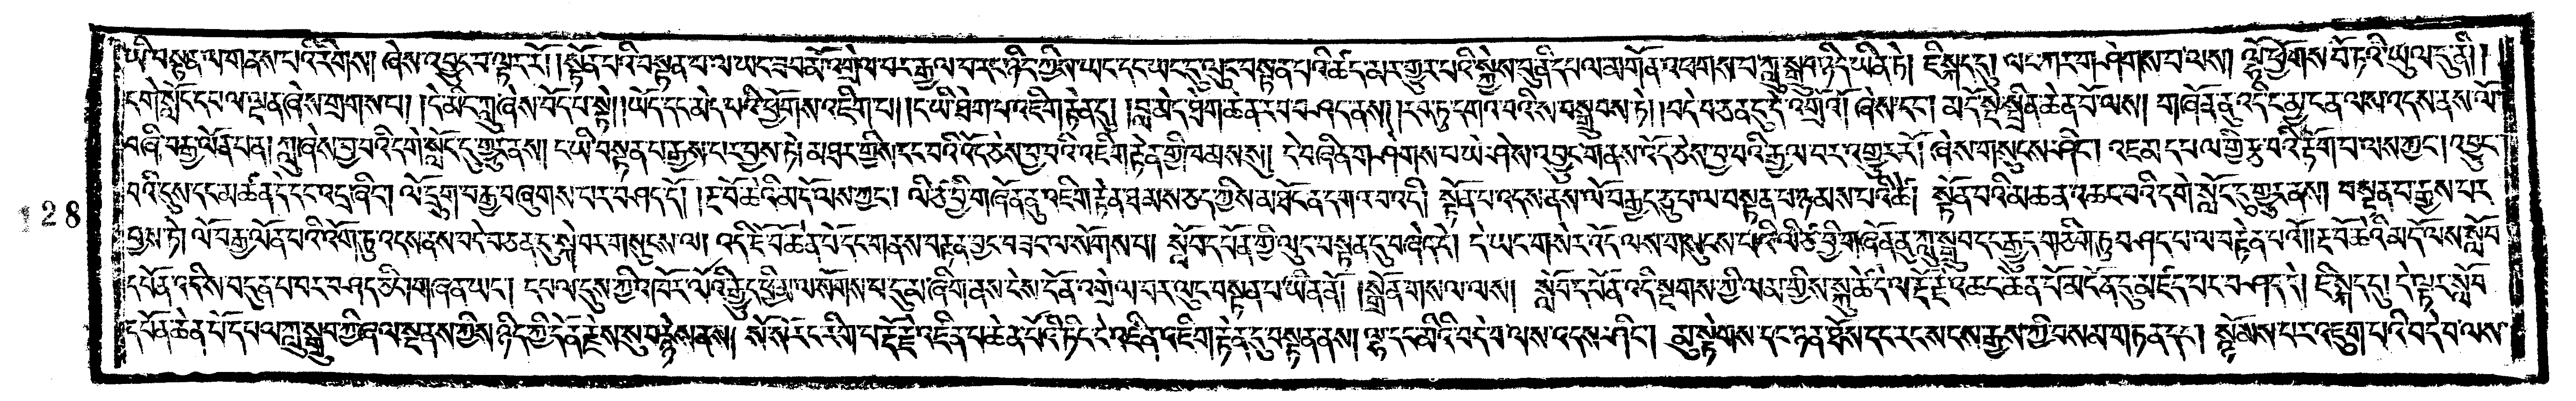ཡི་བསྟན་ལ་གནས་པའི་རིགས། ཞེས་འབྱུང་བ་ལྟར་རོ། །སྟོན་པའི་བསྟན་བ་ལ་ཡང་ཟབ་མོ་འགྲེལ་བར་རྒྱལ་བ་རང་ཉིད་ཀྱིས་ཡང་དང་ཡང་དུ་ལུང་བསྟན་པའི་ཚད་མར་གྱུར་པའི་སྐྱེས་བུ་ནི་དཔལ་མགོན་འཕགས་བ་ཀླུ་སྒྲུབ་ཉིད་ཡིན་ཏེ། ཇི་སྐད་དུ། ལང་ཀར་གཤེགས་པ་ལས། ལྷོ་ཕྱོགས་བི་ཏའི་ཡུལ་དུ་ནི། །
དགེ་སློང་དཔལ་ལྡན་ཞེས་གྲགས་པ། །དེ་མིད་ཀླུ་ཞེས་བོད་པ་སྟེ། །ཡོད་དང་མེད་པའི་ཕྱོགས་འཇིག་པ། །ང་ཡི་ཐེག་པ་འཇིག་རྟེན་དུ། །བླ་མེད་ཐེག་ཆེན་རབ་བཤད་ནས། །རབ་ཏུ་དགའ་བའི་ས་བསྒྲུབས་ཏེ། །བདེ་བ་ཅན་དུ་དེ་འགྲོའོ། ཞེས་དང་། མདོ་སྡེ་སྦྲིན་ཆེན་པོ་ལས། གཞོན་ནུ་འདི་ང་མྱ་ངན་ལས་འདས་ནས་ལོ་
བཞི་བརྒྱ་ལོན་པ་ནི། ཀླུ་ཞེས་བྱ་བའི་དགེ་སློང་དུ་གྱུར་ནས། ང་ཡི་བསྟན་པ་རྒྱས་པར་བྱས་ཏེ། མཐར་གྱིས་དང་བའི་འོད་ཅེས་བྱ་བའི་འཇིག་རྟེན་གྱི་ཁམས་སུ། དེ་བཞིན་གཤེགས་པ་ཡེ་ཤེས་འབྱུང་གནས་འོད་ཅེས་བྱ་བའི་རྒྱལ་བར་འགྱུར་རོ། ཞེས་གསུངས་ཤིང་། འཇམ་དཔལ་གྱི་རྩ་བའི་རྟོག་བ་ལས་ཀྱང་། འབྱུང་
བའི་དུས་དང་མཚན་དེ་དང་འདྲ་ཞིང་། ལོ་དྲུག་བརྒྱ་བཞུགས་པར་བཤད་དོ། །རྔ་བོ་ཆེའི་མདོ་ལས་ཀྱང་། ལི་ཙ་བྱི་གཞོན་ནུ་འཇིག་རྟེན་ཐམས་ཅད་ཀྱིས་མཐོང་ན་དགའ་བ་འདི། སྟོན་པ་འདས་ནས་ལོ་བརྒྱད་ཅུ་པ་ལ་བསྟན་བཏམས་པའི་ཚེ། སྟོང་པའི་མཚན་འཆང་བའི་དགེ་སློང་དུ་གྱུར་ནས། བསྟན་པ་རྒྱས་པར་
བྱས་ཏེ། ལོ་བརྒྱ་ལོན་པའི་འོག་ཏུ་འདས་ནས་བདེ་བ་ཅན་དུ་སྐྱེ་བར་གསུངས་ལ། འདི་ཇོ་བོ་ཆེན་པོ་དང་གནས་བརྟན་བྱང་བཟང་ལ་སོགས་པ། སློབ་དཔོན་གྱི་ལུང་བསྟན་དུ་བཞེད་དེ། དེ་ཡང་གསེར་འོད་ལས་གསུངས་པའི་ལི་ཙ་བྱི་གཞོན་ནུ་ཀླུ་སྒྲུབ་དང་རྒྱུད་གཅིག་ཏུ་བཤད་པ་ལ་བརྟེན་པའོ། །རྔ་བོ་ཆེའི་མདོ་ལས་སློབ་
དཔོན་འདིས་བདུན་པ་བར་བཤད་ཅིག་གཞན་ཡང་། དཔལ་དུས་ཀྱི་འཁོར་ལོའི་རྒྱུད་ཕྱི་མ་ལ་སོགས་པ་དུ་མ་ཞིག་ནས་ངེས་དོན་འགྲེལ་བར་ལུང་བསྟན་པ་ཡིན་ནོ། །སྒྲོན་གསལ་ལས། སློབ་དཔོན་འདི་སྔགས་ཀྱི་ལམ་གྱིས་སྐུ་ཚེ་དེ་ལ་རྡོ་རྗེ་འཆང་ཆེན་པོ་མངོན་དུ་མཛད་པར་བཤད་དེ། ཇི་སྐད་དུ། དེ་ལྟར་སློབ་
དཔོན་ཆེན་པོ་དཔལ་ཀླུ་སྒྲུབ་ཀྱི་ཞལ་སྔ་ནས་ཀྱིས་ཉིད་ཀྱི་དོན་རྗེས་སུ་བརྙེས་ནས། སོ་སོ་རང་རིག་པ་རྡོ་རྗེ་འཛིན་པ་ཆེན་པོའི་ཏིང་ངེ་འཛིན་འཇིག་རྟེན་དུ་བསྟན་ནས། ལྷ་དང་མིའི་བདེ་བ་ལས་འདས་ཤིང་། མུ་སྟེགས་དང་ཉན་ཐོས་དང་རང་སངས་རྒྱས་ཀྱི་བསམ་གཏན་དང་། སྙོམས་པར་འཇུག་པའི་བདེ་བ་ལས་